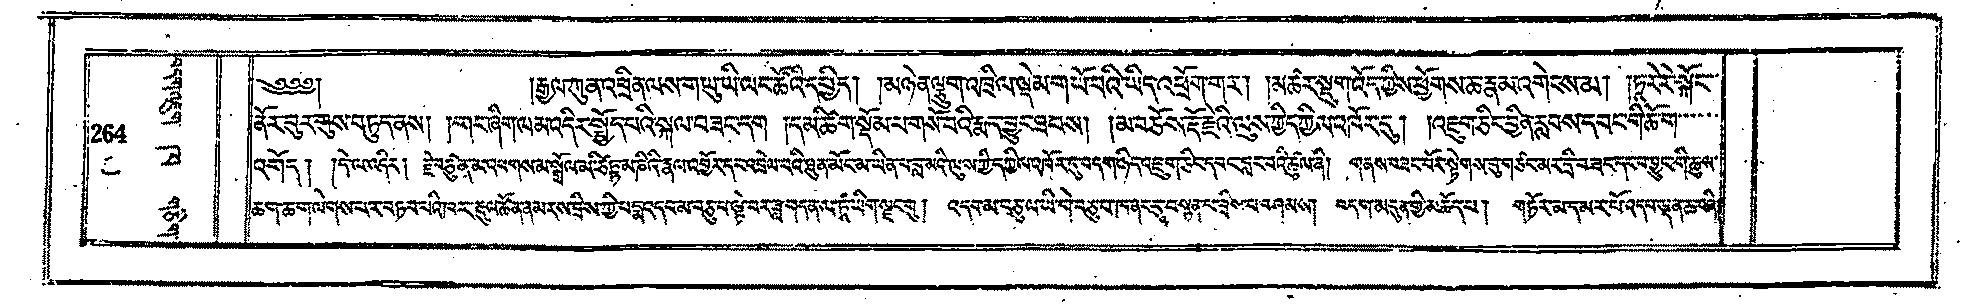རྒྱལ་ཀུན་འཕྲིན་ལས་གཡུ་ཡི་ལང་ཚོའི་དཔྱིད། །མཉེན་ལྕུག་འཁྲིལ་ལྡེམ་གཡོ་བའི་ཡིད་འཕྲོག་གར། །མཚར་སྡུག་འོད་ཀྱིས་ཕྱོགས་ཆ་རྣམ་འགེངས་མ། །ཏཱ་རེ་རེ་སྐོང་་་
ནོར་བུར་གུས་བཏུད་ནས། །གང་ཞིག་ལམ་འདིར་སྤྱོད་པའི་སྐལ་བཟང་དག །དམ་ཚིག་སྡོམ་པ་གསོ་བའི་རྨད་བྱུང་ཐབས། །མ་བཅོས་རྡོ་རྗེའི་ལུས་ཀྱི་དཀྱིལ་འཁོར་དུ། །འཇུག་ཅིང་བྱིན་རླབས་དབང་གི་ཆོ་ག་་་
འགོད། །དེ་ལ་འདིར། རྗེ་བཙུན་མ་འཕགས་མ་སྒྲོལ་མ་ཙིཏྟ་མ་ཎིའི་རྣལ་འབྱོར་དང་འབྲེལ་བའི་ཐུན་མོང་མ་ཡིན་པ་བླ་མའི་ལུས་ཀྱི་དཀྱིལ་འཁོར་དུ་བདག་ཉིད་འཇུག་ཅིང་དབང་བླང་བའི་ཚུལ་ནི། གནས་བཟང་པོར་སྟེགས་བུ་གཙང་མར་དྲི་བཟང་དང་བ་བྱུང་གི་ཆུས་
ཆག་ཆག་ལེགས་པར་བཏབ་པའི་ཁར་རྡུལ་ཚོན་ནམ་རས་བྲིས་ཀྱི་པདམ་འདབ་མ་བཅུ་པ་ལྟེ་བར་ཟླ་གདན་ལ་ཏཱཾ་ཡིག་ལྗང་གུ། འདབ་མ་བཅུ་ལ་ཡི་གེ་བཅུ་པ་ཁ་ནང་དུ་བསྟན་པ་བྲིས་པ་བཤམས། བདག་མདུན་གྱི་མཆོད་པ། གཏོར་མ་དམར་པོ་འདབ་ལྡན་ཆ་བཞི་